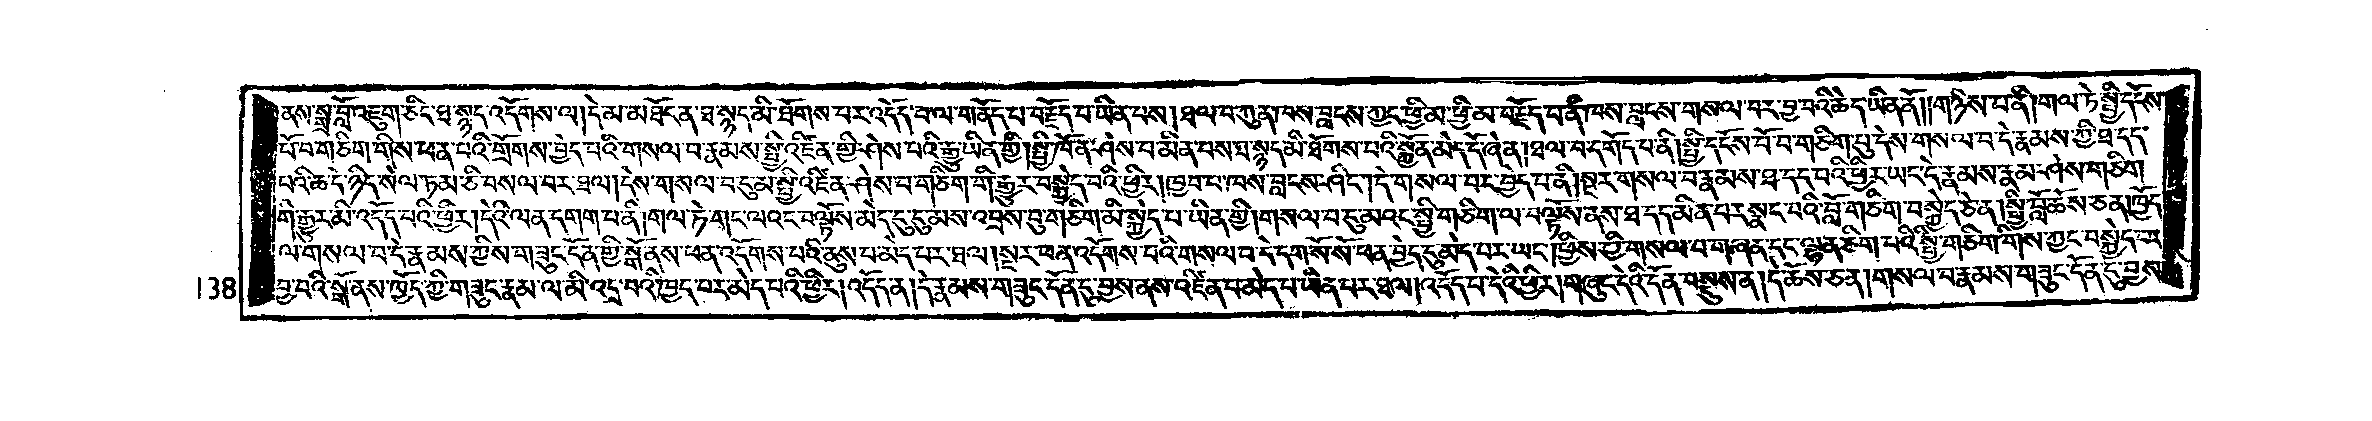ནས་སྒྲ་བློ་འཇུག་ཅིང་ཐ་སྙད་འདོགས་ལ། དེ་མ་མཐོང་ན་ཐ་སྙད་མི་ཐོགས་པར་འདོད་པ་ལ་གནོད་པ་བརྗོད་པ་ཡིན་པས། ཐལ་བ་ཀུན་ཁས་བླངས་ཀྱང་ཕྱི་མ་ཕྱི་མ་བརྗོད་པ་ནི་ཁས་བླངས་གསལ་བར་བྱ་བའི་ཆེད་ཡིན་ནོ། །གཉིས་པ་ནི། གལ་ཏེ་སྤྱི་དངོས་
པོ་བ་གཅིག་གིས་ཕན་པའི་གྲོགས་བྱེད་པའི་གསལ་བ་རྣམས་སྤྱི་འཛིན་གྱི་ཤེས་པའི་རྒྱུ་ཡིན་གྱི། སྤྱི་ཁོ་ན་ཤེས་པ་མིན་པས་ཐ་སྙད་མི་ཐོགས་པའི་སྐྱོན་མེད་དོ་ཞེ་ན། ཐལ་བ་དགོད་པ་ནི། སྤྱི་དངོས་པོ་བ་གཅིག་པུ་དེས་གསལ་བ་དེ་རྣམས་ཀྱི་ཐ་དད་
པའི་ཆ་དེ་ཉིད་སེལ་ཏམ་ཅི་བསལ་བར་ཐལ། དེས་གསལ་བ་དུ་མ་སྤྱི་འཛིན་ཤེས་པ་གཅིག་གི་རྒྱུར་བསྐྱེད་པའི་ཕྱིར། ཁྱབ་པ་ཁས་བླངས་ཤིང་། དེ་གསལ་བར་བྱེད་པ་ནི། སྔར་གསལ་བ་རྣམས་ཐ་དད་པའི་ཕྱིར་ཡང་དེ་རྣམས་རྣམ་ཤེས་གཅིག་
གི་རྒྱུར་མི་འདོད་པའི་ཕྱིར། དེའི་ལན་དགག་པ་ནི། གལ་ཏེ་གང་ལའང་བལྟོས་མེད་ངུ་ངུ་མས་འབྲས་བུ་གཅིག་མི་སྐྱེད་པ་ཡིན་གྱི། གསལ་བ་དུ་མའང་སྤྱི་གཅིག་ལ་བལྟོས་ནས་ཐ་དད་མིན་པར་སྣང་བའི་བློ་གཅིག་བསྐྱེད་ཅེ་ན། སྤྱི་བློ་ཆོས་ཅན། ཁྱོད་
ལ་གསལ་བ་དེ་རྣམས་ཀྱིས་གཟུང་དོན་གྱི་སྒོ་ནས་ཕན་འདོགས་པའི་ནུས་པ་མེད་པར་ཐལ། སྔར་ཕན་འདོགས་པའི་གསལ་བ་དེ་དག་སོ་སོ་ཕན་བྱེད་དུ་མེད་པར་ཡང་། ཕྱིས་ཀྱི་གསལ་བ་གཞན་དང་ལྷན་ཅིག་པའི་སྤྱི་གཅིག་གིས་ཀྱང་བསྐྱེད་པར་
བྱ་བའི་སྒོ་ནས་ཁྱོད་ཀྱི་གཟུང་རྣམ་ལ་མི་འདྲ་བའི་ཁྱད་པར་མེད་པའི་ཕྱིར། འདོད་ན། དེ་རྣམས་གཟུང་དོན་དུ་བྱས་ནས་འཛིན་པ་མེད་པ་ཡིན་པར་ཐལ། འདོད་པ་དེའི་ཕྱིར། གཞུང་དེའི་དོན་བསྡུས་ན། དེ་ཆོས་ཅན། གསལ་བ་རྣམས་གཟུང་དོན་དུ་བྱས་